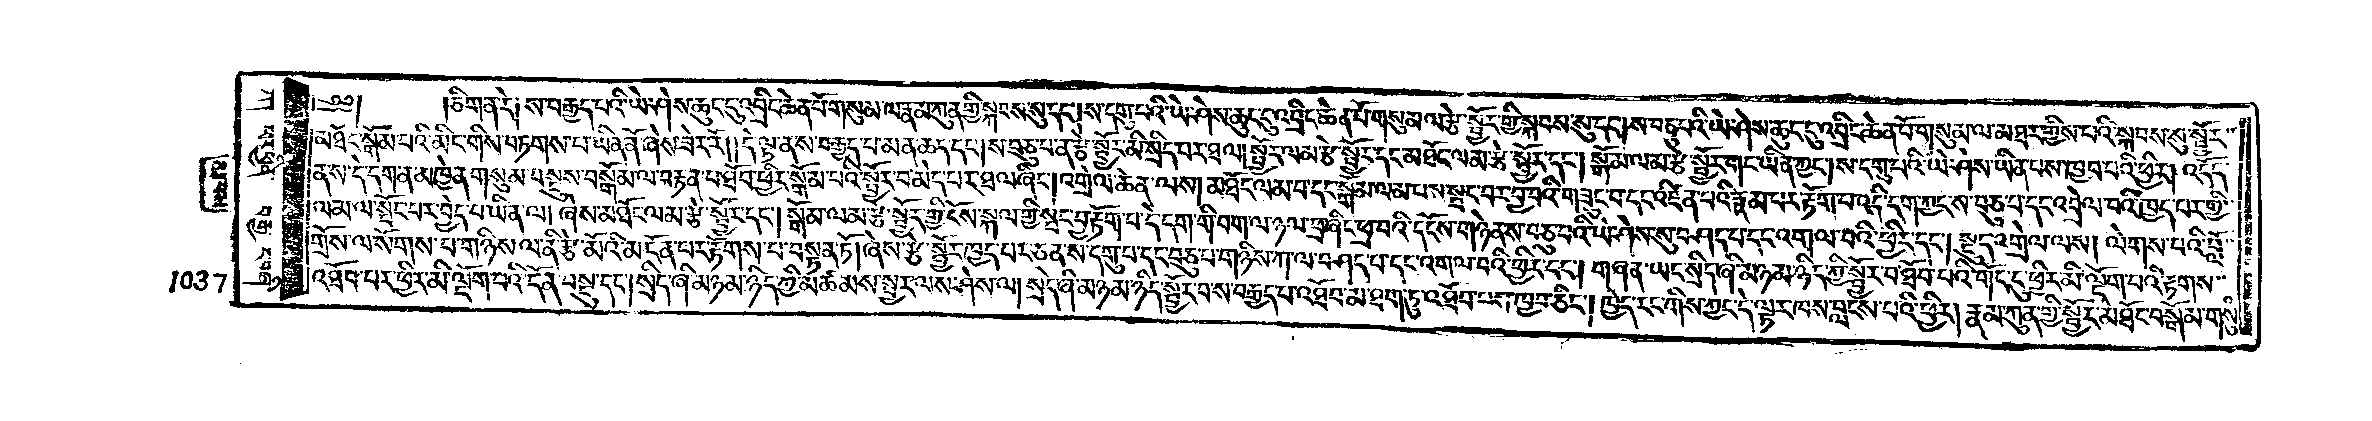༄༅། །ཅིག་ན་རེ། ས་བརྒྱད་པའི་ཡེ་ཤེས་ཆུང་ངུ་འབྲིང་ཆེན་པོ་གསུམ་ལ་རྣམ་ཀུན་གྱི་སྐབས་སུ་དང་། ས་དགུ་པའི་ཡེ་ཤེས་ཆུང་ངུ་འབྲིང་ཆེན་པོ་གསུམ་ལ་རྩེ་སྦྱོར་གྱི་སྐབས་སུ་དང་། ས་བཅུ་པའི་ཡེ་ཤེས་ཆུང་ངུ་འབྲིང་ཆེན་པོ་གསུམ་ལ་མཐར་གྱིས་པའི་སྐབས་སུ་སྦྱོར་
མཐོང་སྒོམ་པའི་མིང་གིས་བཏགས་པ་ཡིན་ནོ་ཞེས་ཟེར་རོ། །དེ་ལྟ་ནས་བརྒྱད་པ་མན་ཆད་དང་། ས་བཅུ་པ་ན་རྩེ་སྦྱོར་མི་སྲིད་པར་ཐལ། སྦྱོར་ལམ་རྩེ་སྦྱོར་དང་མཐོང་ལམ་རྩེ་སྦྱོར་དང་། སྒོམ་ལམ་རྩེ་སྦྱོར་གང་ཡིན་ཀྱང་། ས་དགུ་པའི་ཡེ་ཤེས་ཡིན་པས་ཁྱབ་པའི་ཕྱིར། འདོད་
ན་ས་དེ་དག་ན་མཁྱེན་གསུམ་བསྡུས་བསྒོམ་ལ་བརྟན་པ་ཐོབ་ཕྱིར་སྒོམ་པའི་སྦྱོར་བ་མེད་པར་ཐལ་ཞིང་། འགྲེལ་ཆེན་ལས། མཐོང་ལམ་པ་དང་སྒོམ་ལམ་པས་སྤང་བར་བྱ་བའི་གཟུང་བ་དང་འཛིན་པའི་རྣམ་པར་རྟོག་པ་འདི་དག་ཀྱང་ས་བཅུ་པ་དང་འབྲེལ་བའི་ཁྱད་པར་གྱི་
ལམ་ལ་སྤོང་པར་བྱེད་པ་ཡིན་ལ། ཞེས་མཐོང་ལམ་རྩེ་སྦྱོར་དང་། སྒོམ་ལམ་རྩེ་སྦྱོར་གྱི་ངོས་སྐལ་གྱི་སྤང་བྱ་རྟོག་པ་དེ་དག་གི་བག་ལ་ཉལ་ཕྲ་ཞིང་ཕྲ་བའི་དངོས་གཉེན་ས་བཅུ་པའི་ཡེ་ཤེས་སུ་བཤད་པ་དང་འགལ་བའི་ཕྱིར་དང་། སྡུད་འགྲེལ་ལས། ལེགས་པའི་བློ་
གྲོས་ལ་སོགས་པ་གཉིས་ལ་ནི་རྩེ་མོའི་མངོན་པར་རྟོགས་པ་བསྟན་ཏོ། ཞེས་རྩེ་སྦྱོར་ཁྱད་པར་ཅན་ས་དགུ་པ་དང་བཅུ་པ་གཉིས་ཀ་ལ་བཤད་པ་དང་འགལ་བའི་ཕྱིར་དང་། གཞན་ཡང་སྲིད་ཞི་མཉམ་ཉིད་ཀྱི་སྦྱོར་བ་ཐོབ་པའི་གོང་དུ་ཕྱིར་མི་ལྡོག་པའི་རྟགས་
འཐོབ་པར་ཕྱིར་མི་ལྡོག་པའི་དོན་བསྡུ་དང་། སྲིད་ཞི་མཉམ་ཉིད་ཀྱི་མཚམས་སྦྱར་ལས་ཤེས་ལ། སྲེད་ཞི་མཉམ་ཉིད་སྦྱོར་བ་ས་བརྒྱད་པ་འཐོབ་མ་ཐག་ཏུ་འཐོབ་པས་ཁྱབ་ཅིང་། ཁྱེད་རང་གིས་ཀྱང་དེ་ལྟར་ཁས་བླངས་པའི་ཕྱིར། རྣམ་ཀུན་གྱི་སྦྱོར་མཐོང་བསྒོམ་གསུམ་